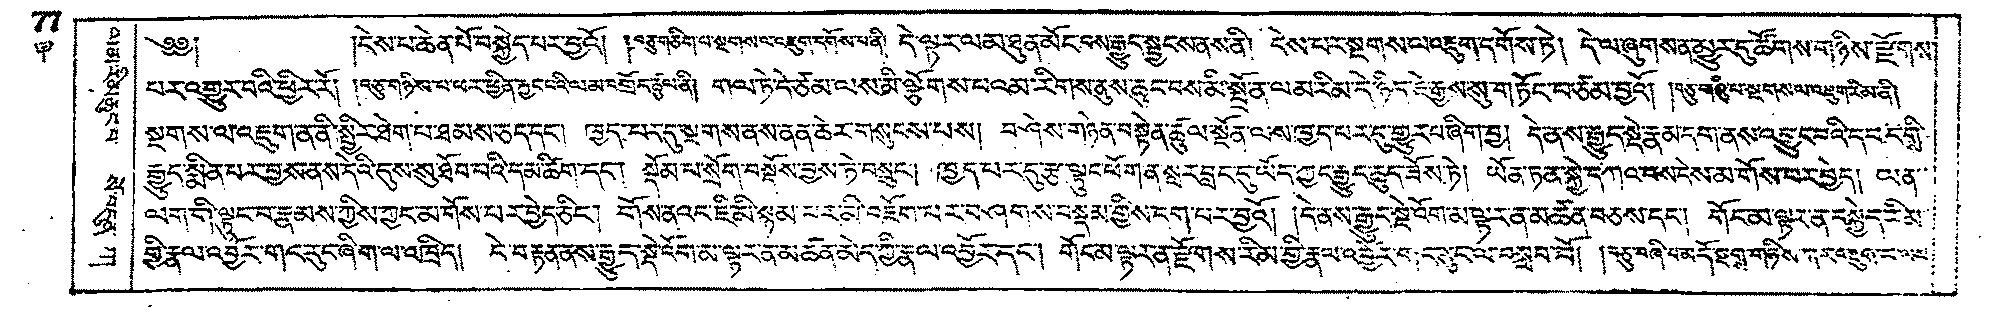༄༅། །ངེས་པ་ཆེན་པོ་བསྐྱེད་པར་བྱའོ། ། བཅུ་གཅིག་པ་སྔགས་ལ་འཇུག་དགོས་པ་ནི།  དེ་ལྟར་ལམ་ཐུན་མོང་བས་རྒྱུད་སྦྱངས་ནས་ནི། ངེས་པར་སྔགས་ལ་འཇུག་དགོས་ཏེ། དེ་ལ་ཞུགས་ན་མྱུར་དུ་ཚོགས་གཉིས་རྫོགས་
པར་འགྱུར་བའི་ཕྱིར་རོ། ། བཅུ་གཉིས་པ་ཕར་ཕྱིན་རྐྱང་པའི་ལམ་བགྲོད་ཚུལ་ནི།  གལ་ཏེ་དེ་ཙམ་ལས་མི་ལྕོགས་པའམ་རིགས་ནུས་ཆུང་བས་མི་སྤྲོ་ན་ལམ་རིམ་དེ་ཉིད་ཇེ་རྒྱས་སུ་གཏོང་བ་ཙམ་བྱའོ། ། བཅུ་གསུཾ་པ་སྔགས་ལ་འཇུག་རིམ་ནི།
སྔགས་ལ་འཇུག་ན་ནི་སྤྱིར་ཐེག་པ་ཐམས་ཅད་དང་། ཁྱད་པར་དུ་སྔགས་ནས་ནན་ཆེར་གསུངས་པས། བཤེས་གཉེན་བསྟེན་ཚུལ་སྔོན་ལས་ཁྱད་པར་དུ་གྱུར་པ་ཞིག་བྱ། དེ་ནས་རྒྱུད་སྡེ་རྣམ་དག་ནས་འབྱུང་བའི་དབང་གིས་
རྒྱུད་སྨིན་པར་བྱས་ནས་དེའི་དུས་སུ་ཐོབ་པའི་དམ་ཚིག་དང་། སྡོམ་པ་སྲོག་བསྡོས་བྱས་ཏེ་བསྲུང་། ཁྱད་པར་དུ་རྩ་ལྟུང་ཕོག་ན་སླར་བླང་དུ་ཡོད་ཀྱང་རྒྱུད་ཆུད་ཟོས་ཏེ། ཡོན་ཏན་སྐྱེ་དཀའ་བས་དེས་མ་གོས་བར་བྱེད། ཡན་
ལག་གི་ལྟུང་བ་རྣམས་ཀྱིས་ཀྱང་མ་གོས་པར་བྱེད་ཅིང་། གོས་ནའང་ཇི་མི་སྙམ་པར་མི་འཇོག་པར་བཤགས་བསྡམ་གྱིས་དག་པར་བྱའོ། །དེ་ནས་རྒྱུད་སྡེ་འོག་མ་ལྟར་ན་མཚན་བཅས་དང་། གོང་མ་ལྟར་ན་བསྐྱེད་རིམ་
གྱི་རྣལ་འབྱོར་གང་རུང་ཞིག་ལ་འཁྲིད། དེ་བརྟན་ནས་རྒྱུད་སྡེ་འོག་མ་ལྟར་ན་མཚན་མེད་ཀྱི་རྣལ་འབྱོར་དང་། གོང་མ་ལྟར་ན་རྫོགས་རིམ་གྱི་རྣལ་འབྱོར་གང་རུང་ལ་བསླབ་བོ། ། བཅུ་བཞི་པ་མདོ་སྔགས་གཉིས་ཀར་འཇུག་པ་ལམ